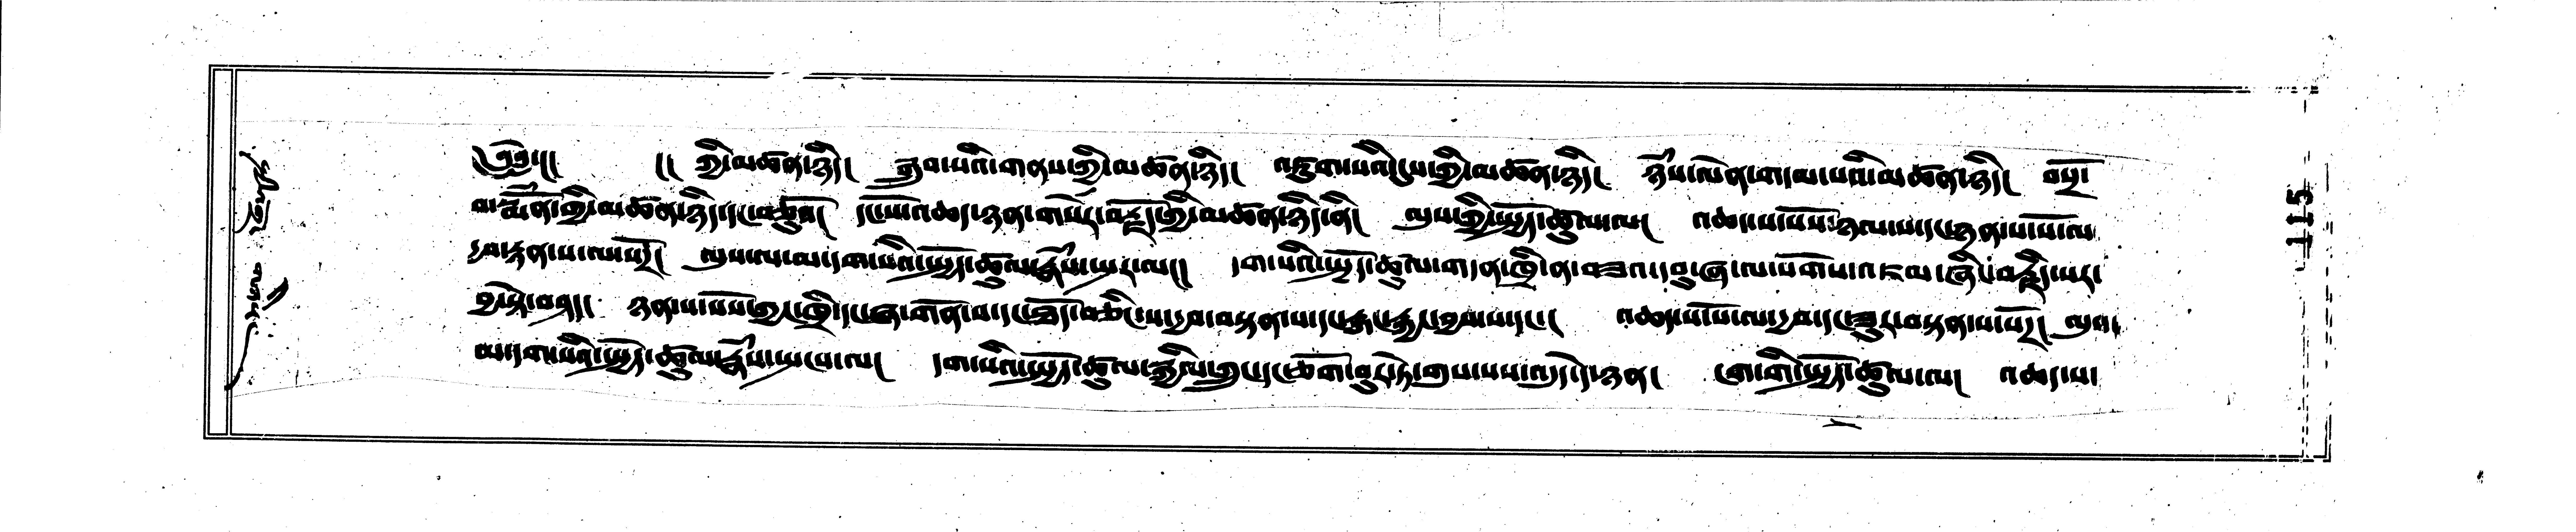ཀྱི་མཚན་ཉིད། སྒྲུབ་པའི་གནས་ཀྱི་མཚན་ཉིད། འཇུག་པའི་དུས་ཀྱི་མཚན་ཉིད། ཉམས་ལེན་གདམས་པའི་མཚན་ཉིད། བསྔོ་
བ་སྨོན་ལམ་གྱི་མཚན་ཉིད་དང་བཅུའོ། །དང་པོ་འཆད་ཉན་གཉེར་བརྗོད་ཀྱི་མཚན་ཉིད་ནི། ལུས་ཀྱི་སྤྱོད་ཚུལ་ལ། འཆད་པ་པོས་ཉལ་བ་དང་ཉན་པ་པོ་ལ་
རྒྱབ་བརྟེན་པ་ལ་སོགས་ལུས་ལ་མ་དག་པའི་སྤྱོད་ཚུལ་རྣམས་སྤང་ལ། དག་པའི་སྤྱོད་ཚུལ་གདན་ཁྲི་ན་བཟའ་དབུ་ཞྭ་ལ་སོགས་འཇམ་ཞིང་བརྗིད་པར་
བྱ་སྟེ་བཤད། ཉ་པ་པོས་ཀྱང་ཁྲི་དང་ཞྭ་གོན་པ་དང་ཐོད་བཅིང་པ་རྒྱབ་བསྟན་པ་རྐང་རྐྱང་བྱས་པ་དང་། འཆད་པ་པོ་དང་རྒྱབ་དང་ཟུར་བསྟན་པ་སོགས། ལུས་
མ་དག་པའི་སྤྱོད་ཚུལ་རྣམས་སྤངས་ལ། དག་པའི་སྤྱོད་ཚུལ་དཀྱིལ་ཀྲུང་དང་ཅོག་པུར་ཏེ་གུས་པས་འདུད་དེ་ཉན། ངག་གི་སྤྱོད་ཚུལ་ལ། འཆད་པ་